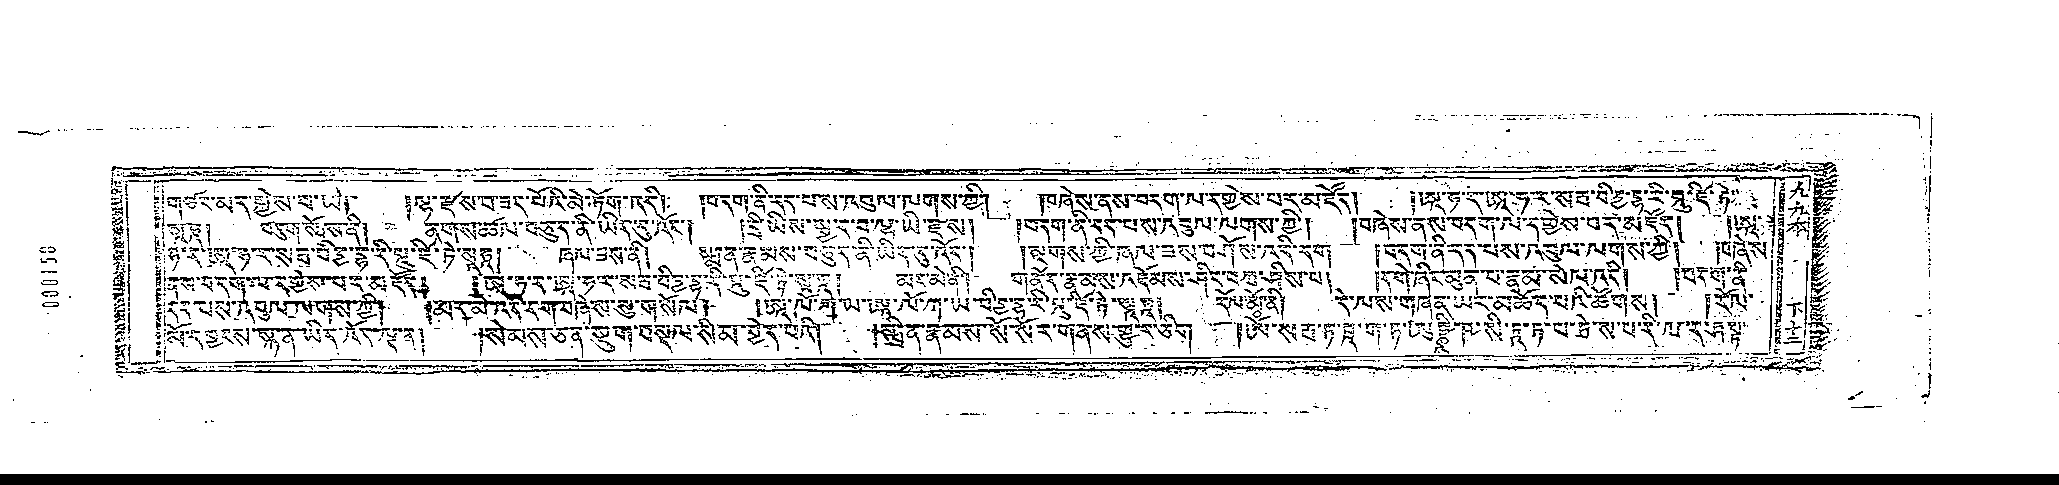གཙང་མར་སྐྱེས་བ་ཡི། །ལྷ་རྫས་བཟང་པོའི་མེ་ཏོག་འདི། །བདག་ནི་དད་པས་འབུལ་ལགས་ཀྱི། །བཞེས་ནས་བདག་ལ་དགྱེས་པར་མཛོད། །ཨཱ་ཧ་ར་ཨཱ་ཧ་ར་སརྦ་བི་དྱ་རི་བཱུ་ཛི་ཏེ་
སྭཱཧཱ། བདུག་སྤོས་ནི། ནགས་ཚལ་བཅུད་ནི་ཡིད་དུ་འོང་། །དྲི་ཡིས་སྦྱར་བ་ལྷ་ཡི་རྫས། །བདག་ནི་དད་བས་འབུལ་ལགས་ཀྱི། །བཞེས་ནས་བདག་ལ་དགྱེས་པར་མཛོད། །ཨཱ་
ཧ་ར་ཨཱ་ཧ་ར་སརྦ་པིདྱ་དྷ་རི་པཱུ་ཛི་ཏེ་སྭཱཧཱ། ཞལ་ཟས་ནི། སྨན་རྣམས་བཅུང་ནི་ཡིད་དུ་འོང་། །སྔགས་ཀྱི་ཞལ་ཟས་བཤོས་འདི་ཨག །བདག་ནི་དད་པས་འབུལ་ལགས་ཀྱི། །བཞེས་
ནས་བདག་ལ་དགྱེས་པར་མཛོད། །ཨཱ་ཧ་ར་ཨཱ་ཧ་ར་སརྦ་བིདྱ་དྷ་རི་བཱུ་ཛི་ཏེ་སྭཱཧཱ། མར་མེ་ནི། གནོད་རྣམས་འཇོམས་ཤིང་བཀྲ་ཤིས་པ། །དགེ་ཞིང་མུན་པ་རྣམ་སེལ་འདི། །བདག་ནི་
དང་པས་འབུལ་ལགས་ཀྱི། །མར་མེ་འདི་དག་བཞེས་སུ་གསོལ། །ཨཱ་ལོ་ག་མ་ཨཱ་ལོ་ཀ་མ་བིདྱ་དྷ་རི་པཱུ་ཛི་ཏེ་སྭཱཧཱ། རོལ་མོ་ནི། དེ་ལས་གཞན་ཡང་མཆོད་པའི་ཚོགས། །རོལ་
མོ་དབྱངས་སྙན་ཡིད་འོང་ལྡན། །སེམས་ཅན་སྡུག་བསྔལ་སིམ་བྱེད་པའི། །སྤྲིན་རྣམས་སོ་སོར་གནས་གྱུར་ཅིག །ཨོཾ་སརྦ་ཏ་ཐཱ་ག་ཏ་ཨུ་ཥྞཱི་ཥ་སི་ཏཱ་ཏ་པ་ཏྲེ་ས་པ་རི་ཝ་ར་ཤཔྟ་